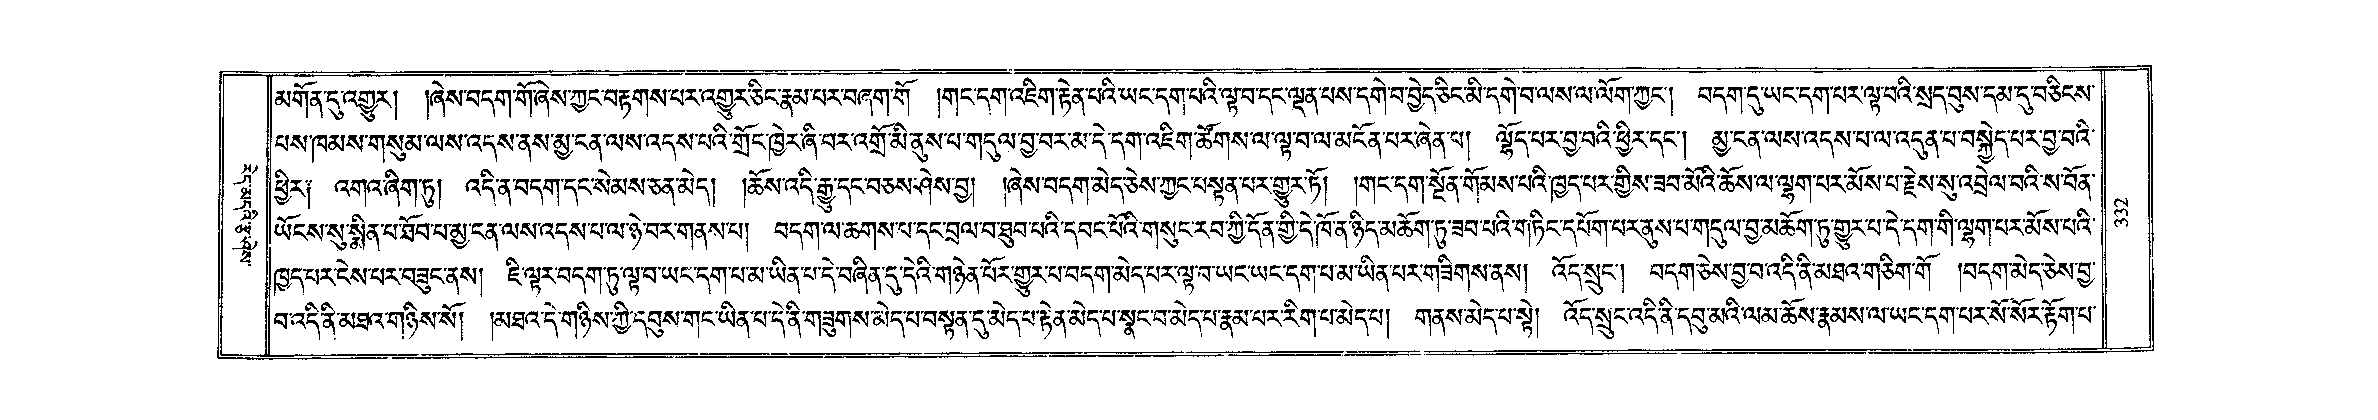མགོན་དུ་འགྱུར། །ཞེས་བདག་གོ་ཞེས་ཀྱང་བརྟགས་པར་འགྱུར་ཅིང་རྣམ་པར་བཞག་གོ །གང་དག་འཇིག་རྟེན་པའི་ཡང་དག་པའི་ལྟ་བ་དང་ལྡན་པས་དགེ་བ་བྱེད་ཅིང་མི་དགེ་བ་ལས་ལ་ལོག་ཀྱང་། བདག་དུ་ཡང་དག་པར་ལྟ་བའི་སྲད་བུས་དམ་དུ་བཅིངས་
པས་ཁམས་གསུམ་ལས་འདས་ནས་མྱ་ངན་ལས་འདས་པའི་གྲོང་ཁྱེར་ཞི་བར་འགྲོ་མི་ནུས་པ་གདུལ་བྱ་བར་མ་དེ་དག་འཇིག་ཚོགས་ལ་ལྟ་བ་ལ་མངོན་པར་ཞེན་པ། ལྷོད་པར་བྱ་བའི་ཕྱིར་དང་། མྱ་ངན་ལས་འདས་པ་ལ་འདུན་པ་བསྐྱེད་པར་བྱ་བའི་
ཕྱིར༑ འགའ་ཞིག་ཏུ། འདི་ན་བདག་དང་སེམས་ཅན་མེད། །ཆོས་འདི་རྒྱུ་དང་བཅས་ཤེས་བྱ། །ཞེས་བདག་མེད་ཅེས་ཀྱང་བསྟན་པར་གྱུར་ཏོ། །གང་དག་སྔོན་གོམས་པའི་ཁྱད་པར་གྱིས་ཟབ་མོའི་ཆོས་ལ་ལྷག་པར་མོས་པ་རྗེས་སུ་འབྲེལ་བའི་ས་བོན་
ཡོངས་སུ་སྨིན་པ་ཐོབ་པ་མྱ་ངན་ལས་འདས་པ་ལ་ཉེ་བར་གནས་པ། བདག་ལ་ཆགས་པ་དང་བྲལ་བ་ཐུབ་པའི་དབང་པོའི་གསུང་རབ་ཀྱི་དོན་གྱི་དེ་ཁོ་ན་ཉིད་མཆོག་ཏུ་ཟབ་པའི་གཏིང་དཔོག་པར་ནུས་པ་གདུལ་བྱ་མཆོག་ཏུ་གྱུར་པ་དེ་དག་གི་ལྷག་པར་མོས་པའི་
ཁྱད་པར་ངེས་པར་བཟུང་ནས། ཇི་ལྟར་བདག་ཏུ་ལྟ་བ་ཡང་དག་པ་མ་ཡིན་པ་དེ་བཞིན་དུ་དེའི་གཉེན་པོར་གྱུར་པ་བདག་མེད་པར་ལྟ་བ་ཡང་ཡང་དག་པ་མ་ཡིན་པར་གཟིགས་ནས། འོད་སྲུང་། བདག་ཅེས་བྱ་བ་འདི་ནི་མཐའ་གཅིག་གོ །བདག་མེད་ཅེས་བྱ་
བ་འདི་ནི་མཐའ་གཉིས་སོ། །མཐའ་དེ་གཉིས་ཀྱི་དབུས་གང་ཡིན་པ་དེ་ནི་གཟུགས་མེད་པ་བསྟན་དུ་མེད་པ་རྟེན་མེད་པ་སྣང་བ་མེད་པ་རྣམ་པར་རིག་པ་མེད་པ། གནས་མེད་པ་སྟེ། འོད་སྲུང་འདི་ནི་དབུ་མའི་ལམ་ཆོས་རྣམས་ལ་ཡང་དག་པར་སོ་སོར་རྟོག་པ་